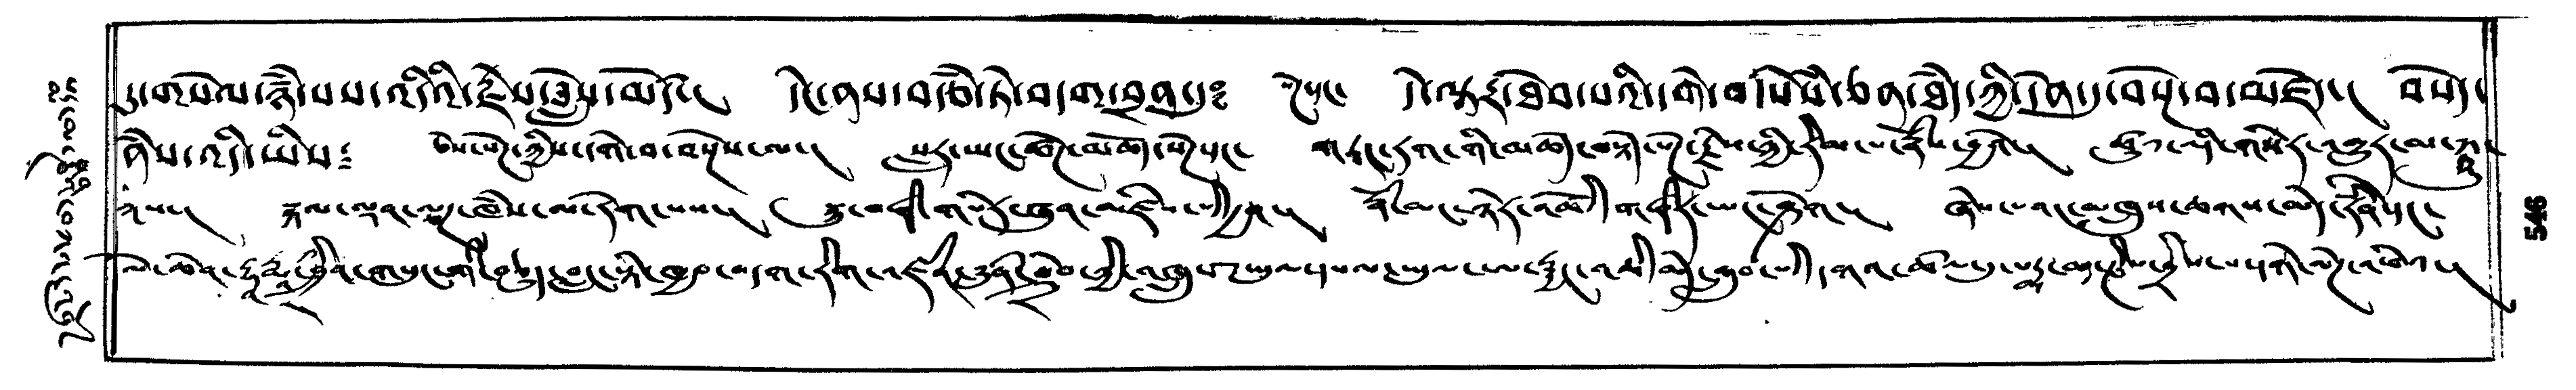དུ་གསོལ་སྙམ་པས་འདིའི་རྗེས་ཟློས་མཛོད། དེང་ནས་བརྩམ་སྟེ་བདག་བྲན་དུ༔ སོགས་དང་། དེ་ལྟར་ཐོབ་པའི་དགེ་བ་སེམས་ཅན་ཐམས་ཅད་ཀྱི་དོན་དུ་བསྔོ་བ་མཛོད། བསོད་
ནམས་འདི་ཡིས༴ ཞེས་སོགས་ཀྱིས་དགེ་བ་བསྔོས་ལ། སླར་ཡང་ཚོགས་མཆོད་སོགས་དང་། བཏང་རག་གི་མཆོད་བསྟོད་སོགས་རྗེས་ཀྱི་རིམ་པ་རྣམས་བྱའོ། ཚུས་འདི་གསེར་འགྱུར་མ་ཀྵི་
ཀས།་སྐལ་ལྡན་ལྕགས་ཁམས་ལ་རེག་པས། །སྐུ་བཞི་གསེར་ཞུན་མཛེས་པའི་རྒྱན། །རྣམ་མང་ཉེར་འཚོའི་གཞིར་ཡང་ཤོག ཅཻས་པའམ་མཁས་གྲུབ་ཆགས་མེད་རིན་པོ་ཆེ་དང་
ལོ་ཆེན་དྷཱ་རྨཱ་ཤྲིས་གསུང་གི་བཅུད་བླངས་ཏེ་ཁྱབ་བདག་རིག་འཛིན་ཀུན་བཟང་ཤེས་རབ་ཀྱི་འཁྲུངས་ཡུལ་དཔལ་ཡུལ་ཨ་རྐྱང་འཆི་མེད་གྲུབ་པའི་དགའ་ཚལ་དུ་པདྨ་མ་ཎིས་བྲིས་པ་དགེ་ལེགས་འཕེལ།། །།